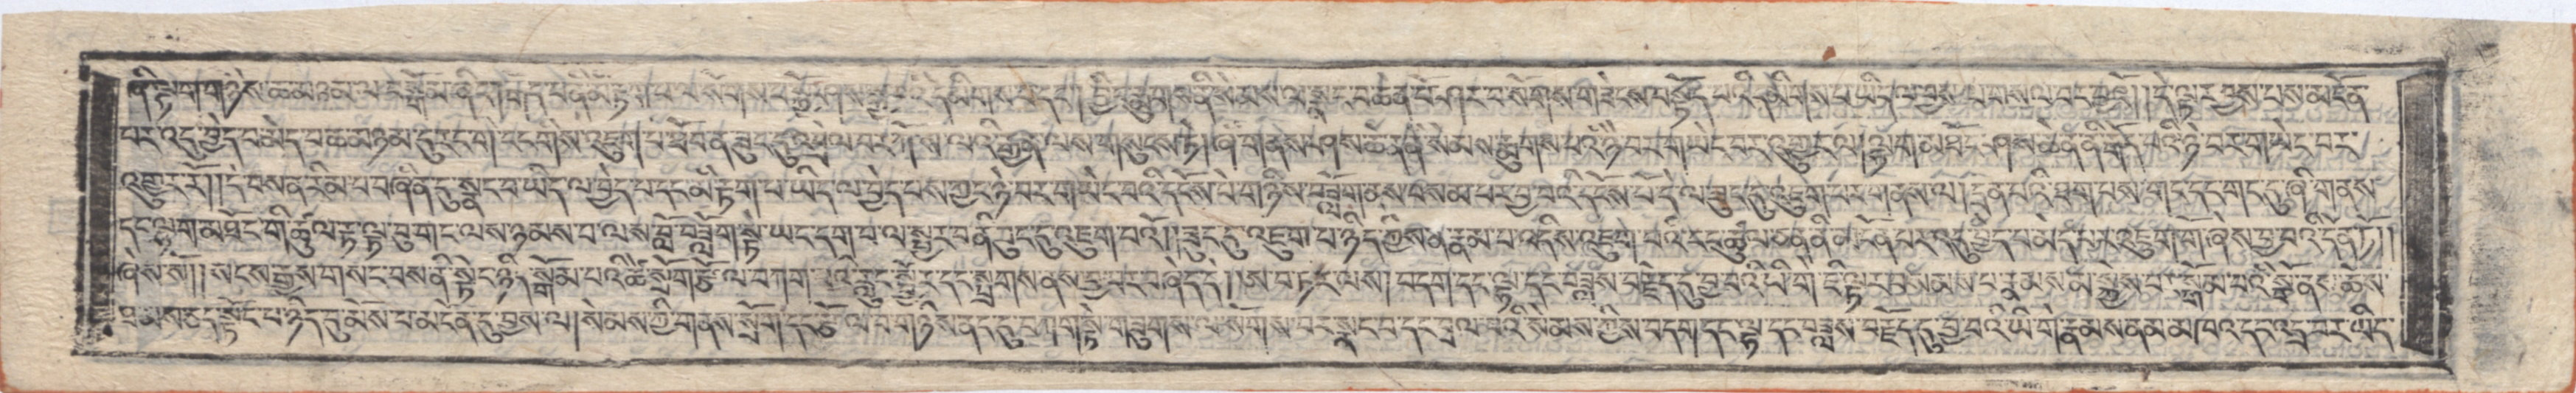ཞི་ལྷག་གཉིས་ཆ་མཉམ་ལ་བསྒོམ་ཞིང་། རྒོད་པ་ནི་མི་རྟག་པ་ལ་སོགས་པ་སྐྱོ་ཤས་སྐྱེ་བའི་དམིགས་པ་དང་། བྱིང་རྨུགས་ནི་སེམས་ལ་སྣང་བ་ཆེན་པོ་ཤར་བ་སོགས་གཟེངས་བསྟོད་པའི་དམིགས་པ་ཡིད་ལ་བྱས་ལ་གསལ་བར་བྱའོ། །དེ་ལྟར་བྱས་པས་མངོན་
པར་འདུ་བྱེད་པ་མེད་པ་ཆ་མཉམ་དུ་རང་གི་ངང་གིས་འཇུག་པ་ཐོབ་ན་ཟུང་དུ་འབྲེལ་བར་ཀོ་ས་ལའི་རྒྱན་ལས་གསུངས་ཏེ། ཞི་གནས་ཤས་ཆེ་ན་ནི་སེམས་རྨུགས་པའི་ཉེ་བར་གཡེང་བར་འགྱུར་ལ། ལྷག་མཐོང་ཤས་ཆེ་ན་ནི་རྒོད་པའི་ཉེ་བར་གཡེང་བར་
འགྱུར་རོ། །དེ་བས་ན་རིམ་པ་བཞིན་དུ་སྣང་བ་ཡིད་ལ་བྱེད་པ་དང་མི་རྟག་པ་ཡིད་ལ་བྱེད་པས་ཀྱང་ཉེ་བར་གཡེང་བའི་དངོས་པོ་གཉིས་བཟློག་ནས་བསམ་པར་བྱ་བའི་དངོས་པོ་དེ་ལ་ཟུང་དུ་འཇུག་པར་གནས་ལ། དྲན་པའི་ཐག་པས་གང་དང་གང་དུ་ཞི་གནས་
དང་ལྷག་མཐོང་གི་ཚུལ་རྟ་ལྟ་བུ་གང་ལས་ཉམས་པ་ལས་བློ་བཟློག་སྟེ་ཡང་དག་པ་ལ་སྦྱར་བ་ནི་ཟུང་དུ་འཇུག་པའོ། །ཟུང་དུ་འཇུག་པ་ཉིད་ཀྱིས་ན་རྣམ་པ་འདིས་འཇུག་པའི་ངང་ཚུལ་ཅན་ནི་མངོན་པར་འདུ་བྱེད་པ་མེད་པར་འཇུག་གོ་ཞེས་བྱ་བའི་དོན་ཏོ། །
ཞེས་སོ། །སངས་རྒྱས་གསང་བས་ནི་སྟོང་ཉིད་སྒོམ་པའི་ཚེ་སྲོག་རྩོལ་བཀག་པའི་རླུང་སྦྱོར་དང་སྤྲགས་ནས་བྱ་བར་བཞེད་དེ། ཨ་བ་ཏ་ར་ལས། བདག་དང་ལྷ་དང་བཟླས་བརྗོད་དུ་བྱ་བའི་ཡི་གེ་ཇི་ལྟར་བསམས་པ་རྣམས་མ་སྐྱེས་པར་སྒོམ་པའི་སྒོ་ནས་ཆོས་
ཐམས་ཅད་སྟོང་པ་ཉིད་དུ་མོས་པ་མངོན་དུ་བྱས་ལ། སེམས་ཀྱི་གནས་སྲོག་དང་རྩོལ་བ་གཉིས་ནང་དུ་བཀག་སྟེ་གཟུགས་ལ་སོགས་པར་སྣང་བ་དང་བྲལ་བའི་སེམས་ཀྱིས་བདག་དང་ལྷ་དང་བཟླས་བརྗོད་དུ་བྱ་བའི་ཡི་གེ་རྣམས་ནམ་མཁའ་དང་འདྲ་བར་ཡིད་